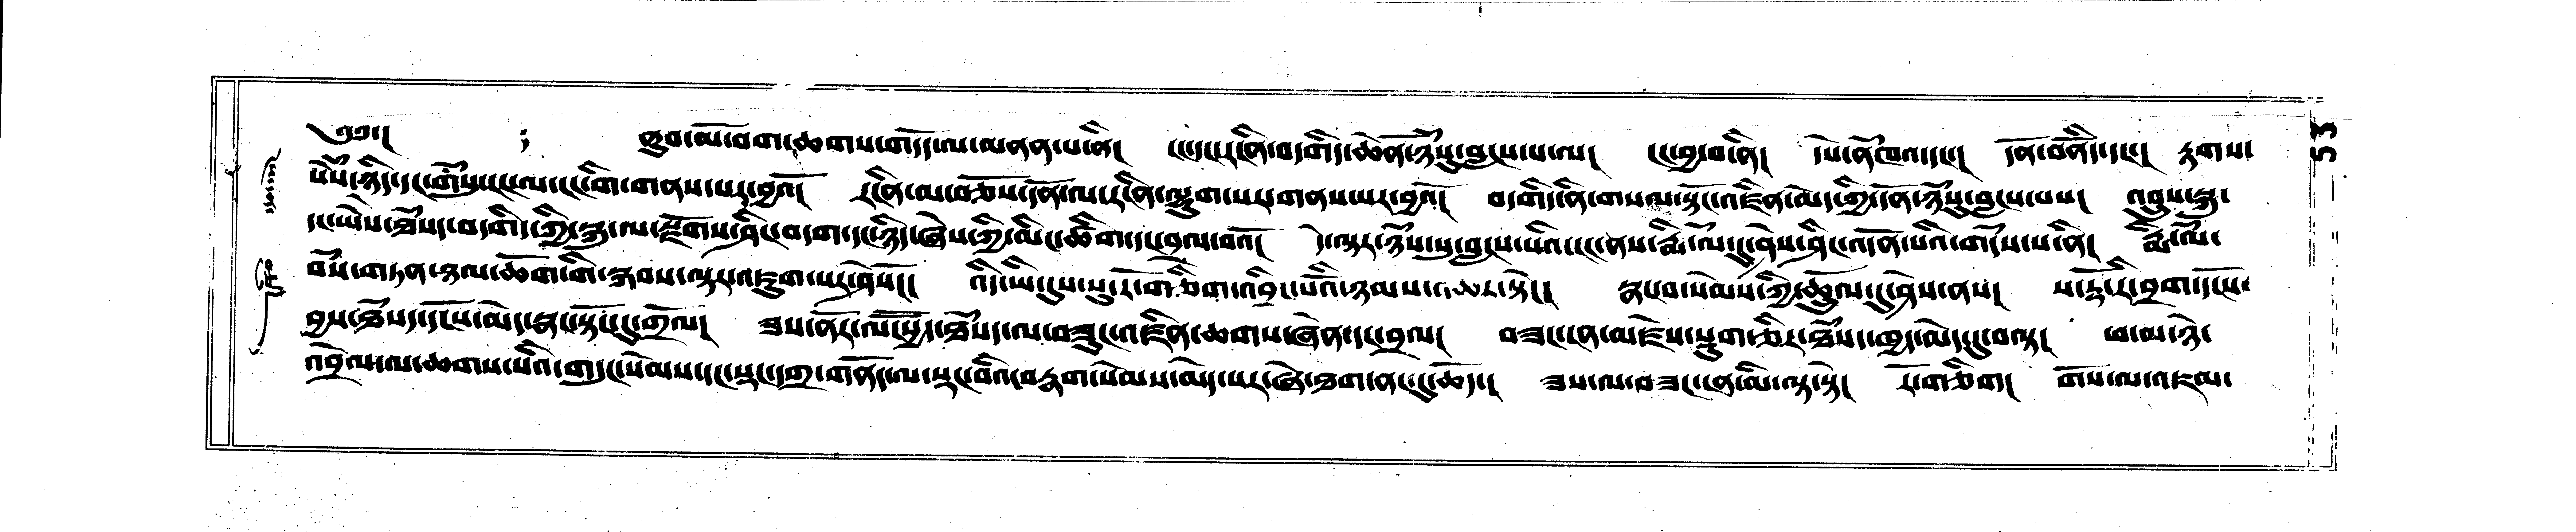ནུབ་མོ་བག་ཆགས་གཏོད་ལ་མནན་པ་ནི། ངང་དང་རང་བཞིན་བདག་ཉིད་ཆེན་པོ་ཉམས་སུ་བླངས་པ་ལ། ངང་བྱ་བ་ནི་དཔེ་ནམ་མཁའ་དང་། དོན་བོན་ཉིད་དང་། རྟགས་
སེམས་ཉིད་དང་གསུམ་ངང་ལ་ངང་གིས་གནས་པར་བྱའོ། །རང་བཞིན་མ་བཅོས་དོན་ལ་རང་བཞིན་ལྷུག་པར་གནས་པར་བྱའོ། །བདག་ཉིད་ནི་གསལ་སྟོང་འཛིན་མེད་ཀྱི་དོན་ཉམས་སུ་བླངས་པས། འབྲས་བུ་སྐུ་
དང་ཡེ་ཤེས་ཐམས་ཅད་བདག་ཉིད་ཀྱི་སྐུ་ལ་རྫོགས་ཤིང་བདག་དང་ཉིད་ཞེས་ཀྱི་མིང་ཚིག་དང་བྲལ་བའོ། །དེ་ལྟར་ཉམས་སུ་བླངས་པའི་ངང་ནས་རྨི་ལམ་དུ་ཤེས་ཤིང་འདོན་པའི་གདམས་པ་ནི། རྨི་ལམ་
བསམ་གཏན་ཉལ་ཆོག་གི་སྐབས་ལྟར་འཇུག་པར་ཤེས་པར་ཤེས་སོ། །འདིའི་དུས་སུ་རོ་གཅིག་འབྲིང་པོའི་ཉམས་འཆར་ཏེ། སྣང་བ་སེམས་ཀྱི་ཆོ་འཕྲུལ་དུ་ཤེས་ནས། ས་རྡོ་རི་བྲག་དངོས་དངོས་
བྱས་ཐམས་ཅད་དངོས་མེད་སྣང་སྟོང་དུ་གྲོལ། ཟས་ནོར་ལོངས་སྤྱོད་ཐམས་ཅད་ལ་གཟུང་འཛིན་ཆགས་ཞེན་དང་བྲལ། བཟང་ངན་མཛེས་སྡུག་ཅིར་ཐམས་ཅད་ཁྱད་མེད་དུ་བལྟ། ཕ་མ་ཉེ་
འབྲེལ་ལ་ཆགས་པའི་གདུང་སེམས་དང་སྡང་དགྲ་གནོད་ལ་སྡང་བའི་བརྣག་སེམས་མེད་པར་ཞེ་ཐག་ནང་དུ་ཆོད། ཟས་ལ་བཟང་ངན་དུ་མི་ལྟ་སྟེ། རོ་གཅིག གོས་ལ་འཇམ་